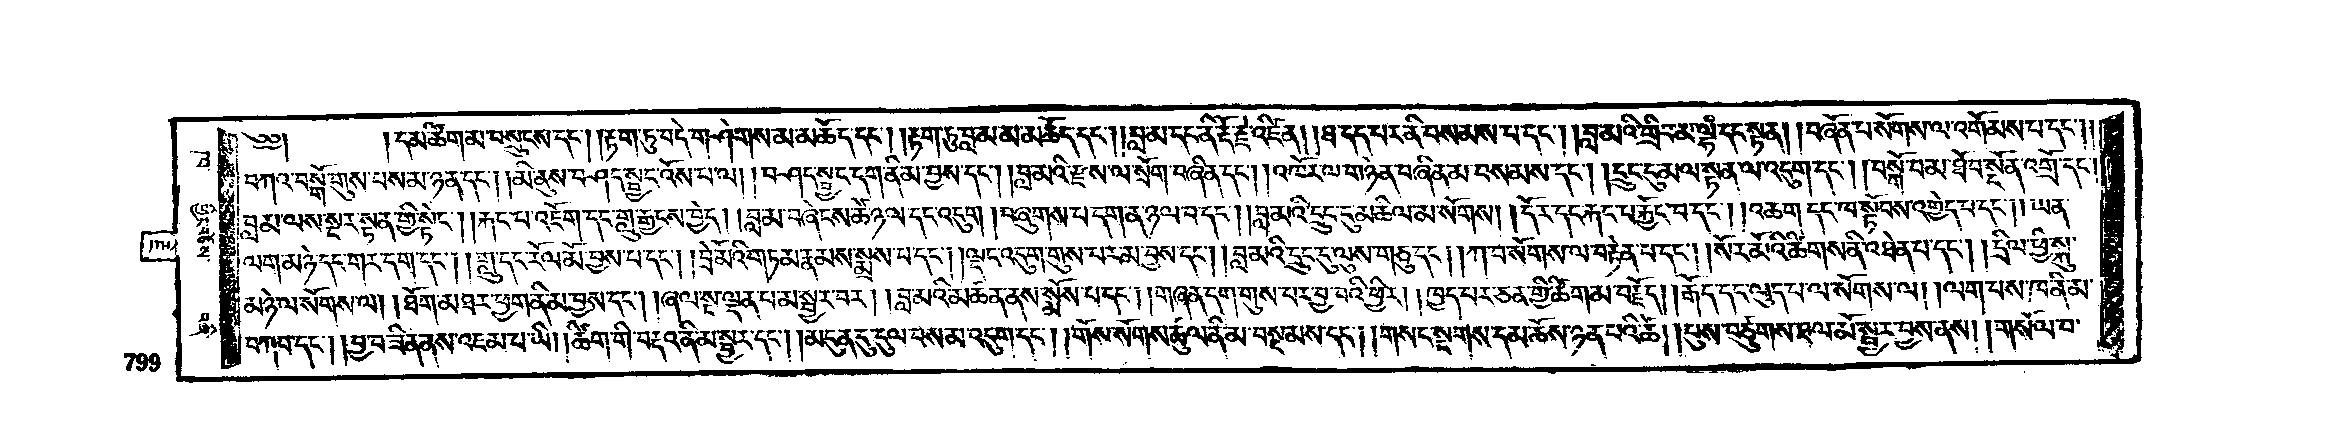༄༅། །དམ་ཚིག་མ་བསྲུངས་དང་། །རྟག་ཏུ་བདེ་གཤེགས་མ་མཆོད་དང་། །རྟག་ཏུ་བླ་མ་མ་མཆོད་དང་། །བླ་མ་དང་ནི་རྡོ་རྗེ་འཛིན། །ཐ་དད་པར་ནི་བསམས་པ་དང་། །བླ་མའི་གྲིབ་མ་ལྷཾ་དང་སྟན། །བཞོན་པ་སོགས་ལ་འགོམས་པ་དང་། །
བཀའ་བསྒོ་གུས་པས་མ་ཉན་དང་། །མི་ནུས་བཤད་སྦྱང་འོས་པ་ལ། །བཤད་སྦྱང་དག་ནི་མ་བྱས་དང་། །བླ་མའི་རྫས་ལ་སྲོག་བཞིན་དང་། །འཁོར་ལ་གཉེན་བཞིན་མ་བསམས་དང་། །དྲུང་དུ་མལ་སྟན་ལ་འདུག་དང་། །བསྒོ་བ་མ་ཐོབ་སྔོན་འགྲོ་དང་།
བླ་མ་ལས་སྔར་སྟན་གྱི་སྟེང་། །རྐང་པ་འཇོག་དང་གླུ་རྒྱངས་བྱེད། །བླ་མ་བཞེངས་ཚེ་ཉལ་དང་འདུག །བཞུགས་པ་དག་ན་ཉལ་བ་དང་། །བླ་མའི་དྲུང་དུ་མཆིལ་མ་སོགས། །དོར་དང་རྐང་པ་རྐྱོང་བ་དང་། །འཆག་དང་ཁ་སྟོབས་འགྱེད་པ་དང་། །ཡན་
ལག་མཉེ་དང་གར་དག་དང་། །གླུ་དང་རོལ་མོ་བྱས་པ་དང་། །བྲེ་མོའི་གཏམ་རྣམས་སྨྲས་པ་དང་། །ལྡང་འདུག་གུས་པར་མ་བྱས་དང་། །བླ་མའི་དྲུང་དུ་ལུས་གཅུ་དང་། །ཀ་བ་སོགས་ལ་བརྟེན་པ་དང་། །སོར་མོའི་ཚིགས་ནི་འཐེན་པ་དང་། །དྲིལ་ཕྱི་སྐུ་
མཉེ་ལ་སོགས་ལ། །ཐོག་མཐར་ཕྱག་ནི་མ་བྱས་དང་། །ཞལ་སྔ་ལྡན་པ་མ་སྦྱར་བར། །བླ་མའི་མཚན་ནས་སྨོས་པ་དང་། །གཞན་དག་གུས་པར་བྱ་བའི་ཕྱིར། །ཁྱད་པར་ཅན་གྱི་ཚིག་མ་བརྗོད། །རྒོད་དང་ལུད་པ་ལ་སོགས་ལ། །ལག་པས་ཁ་ནི་མ་
བཀབ་དང་། །བྱ་བ་ཟིན་ནས་འཇམ་པ་ཡི། །ཚིག་གི་བརྡའ་ནི་མ་སྦྱར་དང་། །མདུན་དུ་དུལ་བས་མ་འདུག་དང་། །གོས་སོགས་ཚུལ་ནི་མ་བསྔམས་དང་། །གསང་སྔགས་དམ་ཆོས་ཉན་པའི་ཚེ། །པུས་བཙུགས་ཐལ་མོ་སྦྱར་བྱས་ནས། །གསོལ་བ་